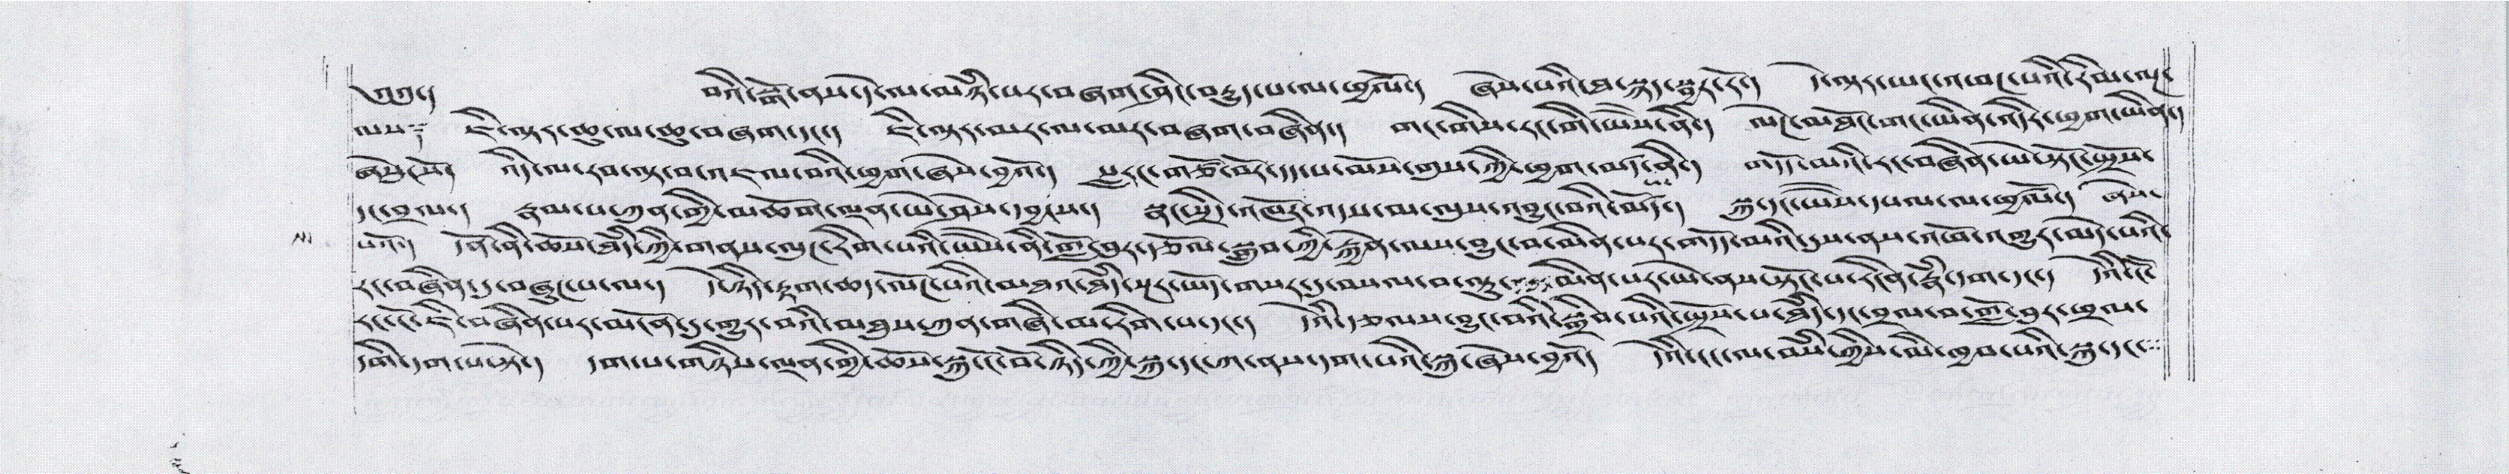པའི་སྒོ་ནས་དེ་ལ་མཉམ་པར་བཞག་ཅིང་བརྒྱུད་པ་ལ་ཕྱག་འཚལ་ལོ། ཞེས་པའི་ཐ་སྙད་སྦྱར་རོ། དེ་ལྟར་ཡང་འཕགས་པའི་རིམ་ལྔ་
ལས། ཇི་ལྟར་ཆུ་ལ་ཆུ་བཞག་དང་། ཇི་ལྟར་མར་ལ་མར་བཞག་བཞིན། གང་གིས་རང་གི་ཡེ་ཤེས་ནི། ལེགས་མཐོང་གང་ཡིན་འདིར་ཕྱག་ཡིན། 
ཞེས་གསུངས་སོ། འདི་ལ་རབ་ལྟ་བ་འཇལ་བའི་ཕྱག་ཅེས་བྱའོ། སླར་ཡང་གཙོ་བོར་དད་པ་མོས་གུས་ཀྱི་མཛད་པ་ནི། གདོད་མའི་རང་བཞིན་ཡེ་སྟོང་སྤྲོས་
དང་བྲལ། རྣམ་པ་ཀུན་གྱི་མཆོག་ལྡན་ཡེ་ཤེས་དབྱངས། སྣང་སྲིད་འཁོར་འདས་མ་ལུས་འབྱུང་བའི་མཛོད། སྐུ་དང་ཡེ་ཤེས་དཔལ་ལ་ཕྱག་འཚལ་ལོ། ཞེས་
པའོ། དོན་ནི་ཆོས་ཐམས་ཅད་ཀྱི་གནས་ལུགས་རིག་པའི་ཡེ་ཤེས་ནི་གློ་བུར་རྩོལ་སྒྲུབ་ཀྱི་རྐྱེན་ལས་བྱུང་བ་མིན་པར་གདོད་མའི་དུས་ནས་འཕོ་འགྱུར་མེད་པའི་
རང་བཞིན་དུ་བཞུགས་པ་ལ། དེ་ཉིད་རྟག་ཆད་ལ་སོགས་པའི་མཐའ་ཐམས་ཅད་སྔར་ཡོད་གསར་དུ་གསལ་བ་ལྟ་བུ་མིན་པར་ཡེ་ནས་སྟོང་པ་རང་བཞིན་རྣམ་དག་དང་། དེའི་ངོ་བོ་
རང་ངོ་ཇི་བཞིན་པར་མངོན་དུ་གྱུར་པའི་མཐུས་ཀུན་གཞི་མ་རིག་པ་དང་། དེའི་རྩལ་ལས་བྱུང་བའི་སྒྲིབ་པའི་སྤྲོས་པ་ཐམས་ཅད་དང་བྲལ་བ་གློ་བུར་ཕྲལ་
དག་གི་དག་པ་སྟེ། དག་པ་གཉིས་ལྡན་གྱི་ཆོས་སྐུ་ངོ་བོ་ཉིད་ཀྱི་སྐུ་དང་ཀ་ནས་དག་པའི་སྐུ་ཞེས་བྱའོ། དེའི་ངང་ལ་བསམ་གྱིས་མི་ཁྱབ་པའི་སྐུ་དང་